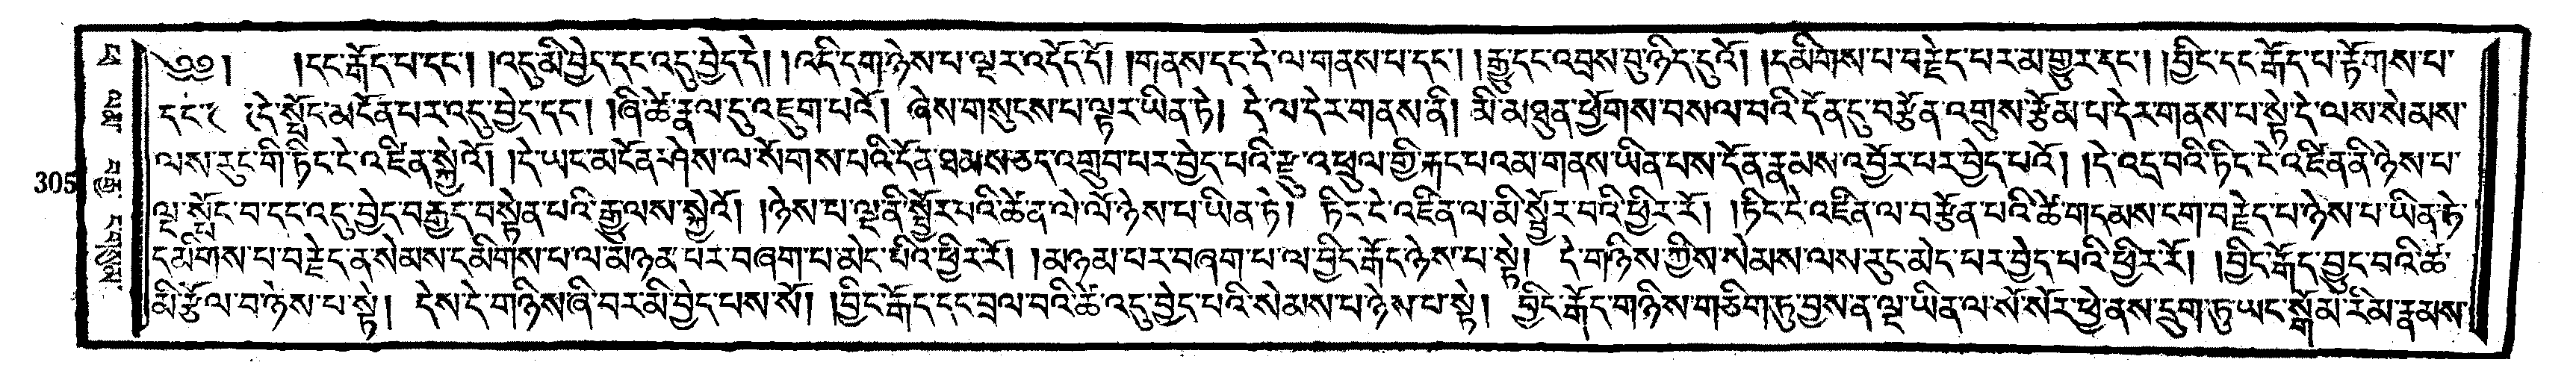༄༅། །དང་རྒོད་པ་དང་། །འདུ་མི་བྱེད་དང་འདུ་བྱེད་དེ། །འདི་དག་ཉེས་པ་ལྔར་འདོད་དོ། །གནས་དང་དེ་ལ་གནས་པ་དང་། །རྒྱུ་དང་འབྲས་བུ་ཉིད་དུའོ། །དམིགས་པ་བརྗེད་པར་མ་གྱུར་དང་། །བྱིང་དང་རྒོད་པ་རྟོགས་པ་
དང་༑ ༑དེ་སྤོང་མངོན་པར་འདུ་བྱེད་དང་། །ཞི་ཚེ་རྣལ་དུ་འཇུག་པའོ། ཞེས་གསུངས་པ་ལྟར་ཡིན་ཏེ། དེ་ལ་དེར་གནས་ནི། མི་མཐུན་ཕྱོགས་བསལ་བའི་དོན་དུ་བརྩོན་འགྲུས་རྩོམ་པ་དེར་གནས་པ་སྟེ་དེ་ལས་སེམས་
ལས་རུང་གི་རིང་ངེ་འཛིན་སྐྱེའོ། །དེ་ཡང་མངོན་ཤེས་ལ་སོགས་པའི་དོན་ཐམས་ཅད་འགྲུབ་པར་བྱེད་པའི་རྫུ་འཕྲུལ་གྱི་རྐང་པའམ་གནས་ཡིན་པས་དོན་རྣམས་འབྱོར་པར་བྱེད་པའོ། །དེ་འདྲ་བའི་ཏིང་ངེ་འཛིན་ནི་ཉེས་པ་
ལྔ་སྤོང་བ་དང་འདུ་བྱེད་བརྒྱད་བསྟེན་པའི་རྒྱུ་ལས་སྐྱེའོ། །ཉེས་པ་ལྔ་ནི་སྦྱོར་པའི་ཚེ་ན་ལེ་ལོ་ཉེས་པ་ཡིན་ཏེ། ཏིང་ངེ་འཛིན་ལ་མི་སྦྱོར་བའི་ཕྱིར་རོ། །ཏིང་ངེ་འཛིན་ལ་བརྩོན་པའི་ཚེ་གདམས་ངག་བརྗེད་པ་ཉེས་པ་ཡིན་ཏེ་
དམིགས་པ་བརྗེད་ན་སེམས་དམིགས་པ་ལ་མཉམ་པར་བཞག་པ་མེད་པའི་ཕྱིར་རོ། །མཉམ་པར་བཞག་པ་ལ་བྱིང་རྒོད་ཉེས་པ་སྟེ། དེ་གཉིས་ཀྱིས་སེམས་ལས་རུང་མེད་པར་བྱེད་པའི་ཕྱིར་རོ། །བྱིང་རྒོད་བྱུང་བའི་ཚེ་
མི་རྩོལ་བ་ཉེས་པ་སྟེ། དེས་དེ་གཉིས་ཞི་བར་མི་བྱེད་པས་སོ། །བྱིང་རྒོད་དང་བྲལ་བའི་ཚེ་འདུ་བྱེད་པའི་སེམས་པ་སྟེ། བྱིང་སྲྒོད་གཉིས་གཅིག་ཏུ་བྱས་ན་ལྔ་ཡིན་ལ་སོ་སོར་ཕྱེ་ནས་དྲུག་ཏུ་ཡང་སྒོམ་རིམ་རྣམས་